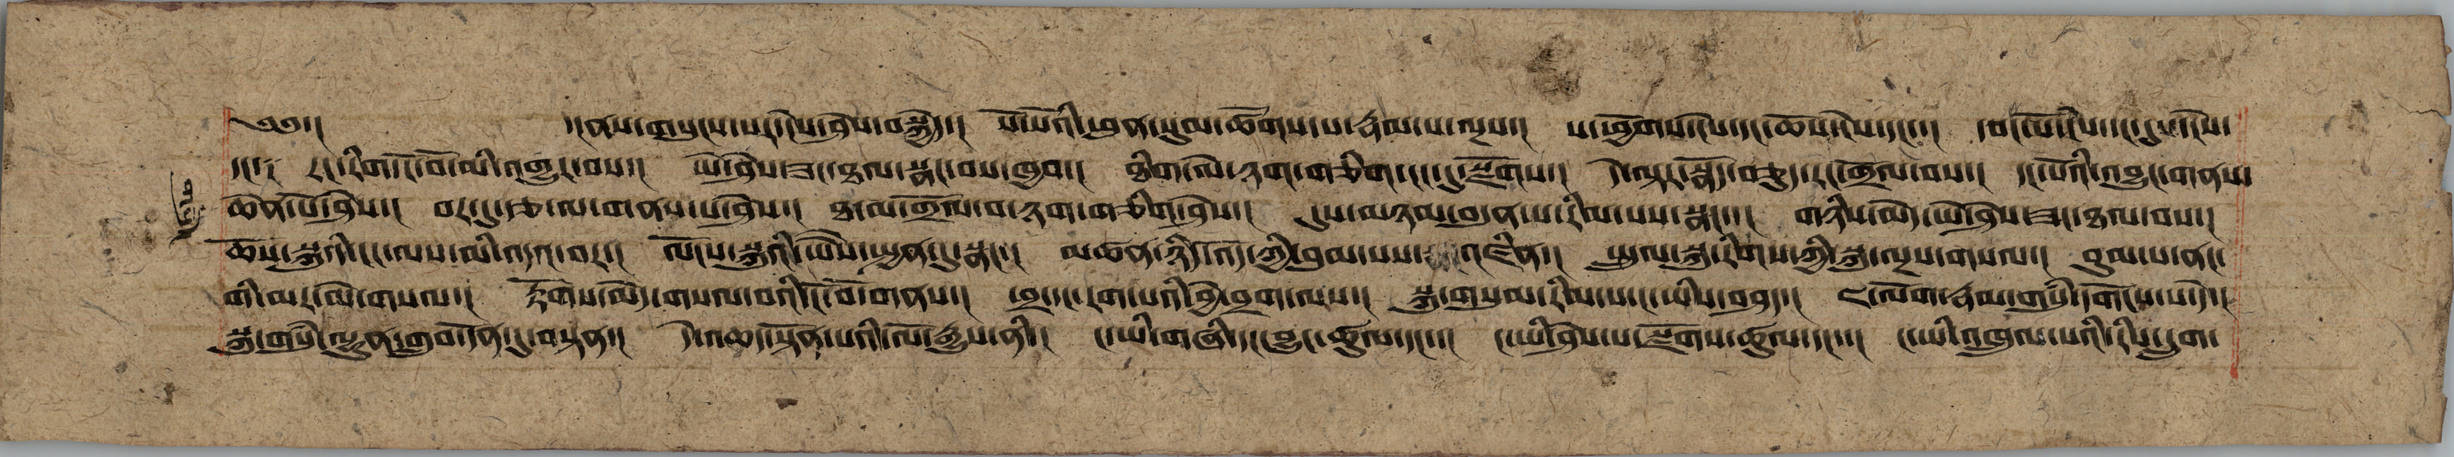༄༅་། ་།ནས་གསུངས་པར་ངེས་ཤེས་བསྐྱེད་། དངོས་པོའི་ཕུན་སུམ་ཚོགས་པ་རྣམ་པ་ལྔས་། ས་ཕྱོགས་ངེས་དང་ཆོས་ངེས་དང་་། དབང་པོ་རེས་དང་དུས་ངེས་
དང་། རང་རིག་ངོ་བོ་མི་འགྱུར་བས་། ཡེ་ཤེས་ཟང་ཐལ་སྣང་བས་ཁྱབ་། ཐིག་ལེ་ཉག་གཅིག་ངང་དུ་སྫོགས་། དེ་ལྟར་སྣོད་བཅུད་རང་གྲོལ་བས་། དང་པོའི་འབྱུང་གནས་
ཆེན་པོ་ཤེས་། བར་དུ་རྩ་ལ་གནས་པ་ཤེས་། ཐ་མ་གྲོལ་བ་ཉག་གཅིག་ཤེས་། དུས་མཉམ་བདུན་པ་རིམ་པས་སྣང་་། གཉིས་མེད་ཡེ་ཤེས་ཟང་ཐལ་བས་།
ཆོས་སྐུའི་ངང་ལས་མི་འདའ་བར་། ལོངས་སྐུའི་ཡཻས་སྤྱན་དུ་སྣང་། མཚན་ཉིད་འོད་ཀྱི་བུམ་པས་འཛིན་། སྤྲུལ་སྐུ་རིགས་ཀྱི་སྐུ་ལྔས་གསལ་། བུམ་པ་ནང་
གི་མར་མེ་གསལ་། རྟོགས་མེད་གསལ་བའི་ངོ་བོ་གནས་། ཕྲ་དང་རག་པའི་བྱེ་བྲག་ལས་། སྐུ་གསུམ་རིམ་པ་ང་ཡིས་བཤད་། ཇ་ལོག་རྣམ་གསུཾ་དགོངས་པ་དེ་།
སྐུ་གསུཾ་ལྷུན་གྲུབ་དོན་དུ་བསྟན་། དེ་འཆད་སྟོན་པའི་ལོ་རྒྱུས་ནི་། ང་ཡི་གཞི་དང་བྱུང་ཚུལ་དང་་། ང་ཡི་ཤེས་པ་སྫོགས་ཚུལ་དང་་། ང་ཡི་འཁྲུལ་པའི་རིས་དྲུག་